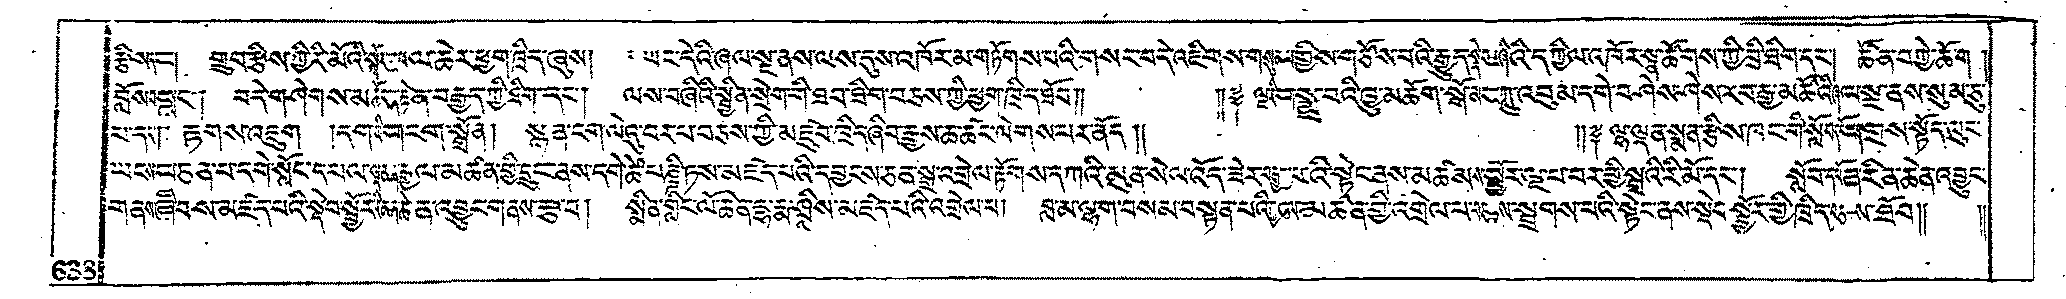རྩིས་དང་། གྲུབ་རྩིས་ཀྱི་རི་མོའི་སྐོར་ཕ་ཆེར་ཕྱག་ཁྲིད་ཞུས། ༧་ཡང་དེའི་ཞལ་སྔ་ནས་ལས་དུས་འཁོར་མ་གཏོགས་པའི་གསང་བདེ་འཇིགས་གསུམ་གྱིས་གཙོས་པའི་རྒྱུད་སྡེ་བཞིའི་དཀྱིལ་འཁོར་སྣ་ཚོགས་ཀྱི་བྲི་ཐིག་དང་། ཚོན་བསྐྱེ་ཆོ་ག།
བློས་བསླང་། བདེ་གཤེགས་མཆོད་རྟེན་བརྒྱད་ཀྱི་ཐིག་དང་། ལས་བཞིའི་སྦྱིན་སྲེག་གི་ཐབ་ཐིབ་བཅས་ཀྱི་ཕྱག་ཁྲིད་ཐོབ།། །།འ་ལྔ་རིག་སྨྲ་བའི་ཁྱུ་མཆོག་སྒོ་མང་ཀླུ་འབུམ་དགེ་བཤེས་ཤེས་རབ་རྒྱ་མཚོའི་ཞལ་སྔ་ནས་སུམ་ཅུ་
པ་དང་། རྟགས་འཇུག །དག་ཡིག་ངག་སྒྲོན། སྙན་ངག་ལེའུ་བར་པ་བཅས་ཀྱི་མཛུབ་ཁྲིད་ཞིབ་རྒྱས་ཆ་ཚང་ལེགས་པར་ནོད།། །།༈ ལྷ་ལྡན་སྨན་རྩིས་ཁང་གི་སློབ་དཔོན་གྲས་སྲིད་ལུང་
ཡངས་པ་ཅན་པ་དགེ་སློང་དཔལ་ལྡན་རྒྱལ་མཚན་གྱི་དྲུང་ནས་དགེ་ཚེ་པཎྜི་ཏས་མཛད་པའི་དབྱངས་ཅན་སྒྲ་འགྲེལ་རྟོགས་དཀའི་མུན་སེལ་འོད་ཟེར་བརྒྱ་པའི་སྟེང་ནས་མཚམས་སྦྱོར་ལྔ་པ་བར་གྱུ་སྒྲ་རི་མོ་དང་། སློབ་དཔོན་རིན་ཆེན་འབྱུང་
གནས་ཞི་བས་མཛད་པའི་སྡེབ་སྦྱོར་རིན་ཆེན་འབྱུང་གནས་རྩ་བ། སྨིན་གླིང་ལོ་ཆེན་དྷ་རྨ་ཤྲིས་མཛད་པའི་འགྲེལ་པ། བླ་མ་ལྷག་བསམ་བསྟན་པའི་རྒྱལ་མཚན་གྱི་འགྲེལ་པ་བཅས་སྦྲགས་པའི་སྟེང་ནས་སྡེབ་སྦྱོར་གྱི་ཁྲིད་བཅས་ཐོབ།། །།